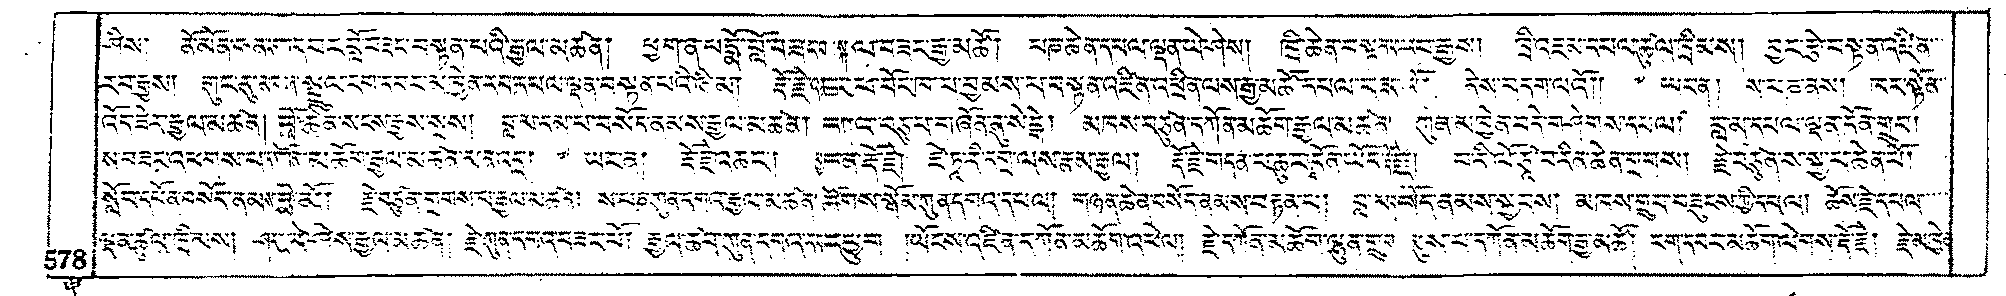ཤིས། ནོ་མོན་ཧན་ངག་དབང་བློ་བཟང་བསྟན་པའི་རྒྱལ་མཚན། ཕྱག་ན་པདམོ་བློ་བཟང་བསྐལ་བཟང་རྒྱ་མཚོ། པཎ་ཆེན་དཔལ་ལྡན་ཡེ་ཤེས། ཁྲི་ཆེན་བསྟན་པ་རབ་རྒྱས། ཁྲི་འཇམ་དཔལ་ཚུལ་ཁྲིམས། བྱང་རྩེ་བསྟན་འཛིན་
རབ་རྒྱས། གུང་རུ་མཁན་སྤྲུལ་ངག་དབང་མཁྱེན་རབ་དཔལ་ལྡན་བསྟན་པའི་ཉི་མ། རྡོ་རྗེ་འཆང་ཕ་བོང་ཁ་པ་བྱམས་པ་བསྟན་འཛིན་འཕྲིན་ལས་རྒྱ་མཚོ་དཔལ་བཟང་པོ། དེས་བདག་ལའོ།། ༧ཡང་ན། ས་པཎ་ནས། ཁང་སྟོན་
འོད་ཟེར་རྒྱལ་མཚན། བློ་ཆེན་སངས་རྒྱས་སྲས། བླ་མ་དམ་པ་བསོད་ནམས་རྒྱལ་མཚན། དཀའ་བཅུ་པ་གཞོན་ནུ་སེངྒེ། མཁས་བཙུན་དཀོན་མཆོག་རྒྱལ་མཚན། ཀུན་མཁྱེན་བདེ་གཤེགས་དཔལ། བླ་མ་དཔལ་ལྡན་དོན་གྲུབ།
ས་བཟང་འཕགས་པ་དཀོན་མཆོག་རྒྱལ་མཚན་མན་འདྲ། ༧་ཡང་ན། རྡོ་རྗེ་འཆང་། ཕྱག་ན་རྡོ་རྗེ། ཛེ་ཏཱ་རི་དགྲ་ལས་རྣམ་རྒྱལ། རྡོ་རྗེ་གདན་པ་ཆུང་བ་དོན་ཡོད་རྡོ་རྗེ། བ་རི་ལོ་ཙཱ་བ་རིན་ཆེན་གྲགས། རྗེ་བཙུན་ས་སྐྱ་པ་ཆེན་པོ།
སློབ་དཔོན་བསོད་ནམས་རྩེ་མོ། རྗེ་བཙུན་གྲགས་པ་རྒྱལ་མཚན། ས་པཎ་ཀུན་དགའ་རྒྱལ་མཚན། ཚོགས་སྒོམ་ཀུན་དགའ་དཔལ། གཉན་ཆེན་བསོད་ནམས་བརྟན་པ། བླ་མ་བསོད་ནམས་སྐྱབས། མཁས་གྲུབ་བཟུངས་ཀྱི་དཔལ། ཆོས་རྗེ་དཔལ་
ལྡན་ཚུལ་ཁྲིམས། ཤར་ཡེ་ཤེས་རྒྱལ་མཚན། རྗེ་ཀུན་དགའ་བཟང་པོ། རྒྱལ་ཚབ་ཀུན་དགའ་དབང་ཕྱུག །ཡོངས་འཛིན་དཀོན་མཆོག་འཕེལ། རྗེ་དཀོན་མཆོག་ལྷུན་གྲུབ། མུས་པ་དཀོན་མཆོག་རྒྱ་མཚོ། ངག་དབང་མཆོག་ལེགས་རྡོ་རྗེ། རྗེ་མཁྱེན་